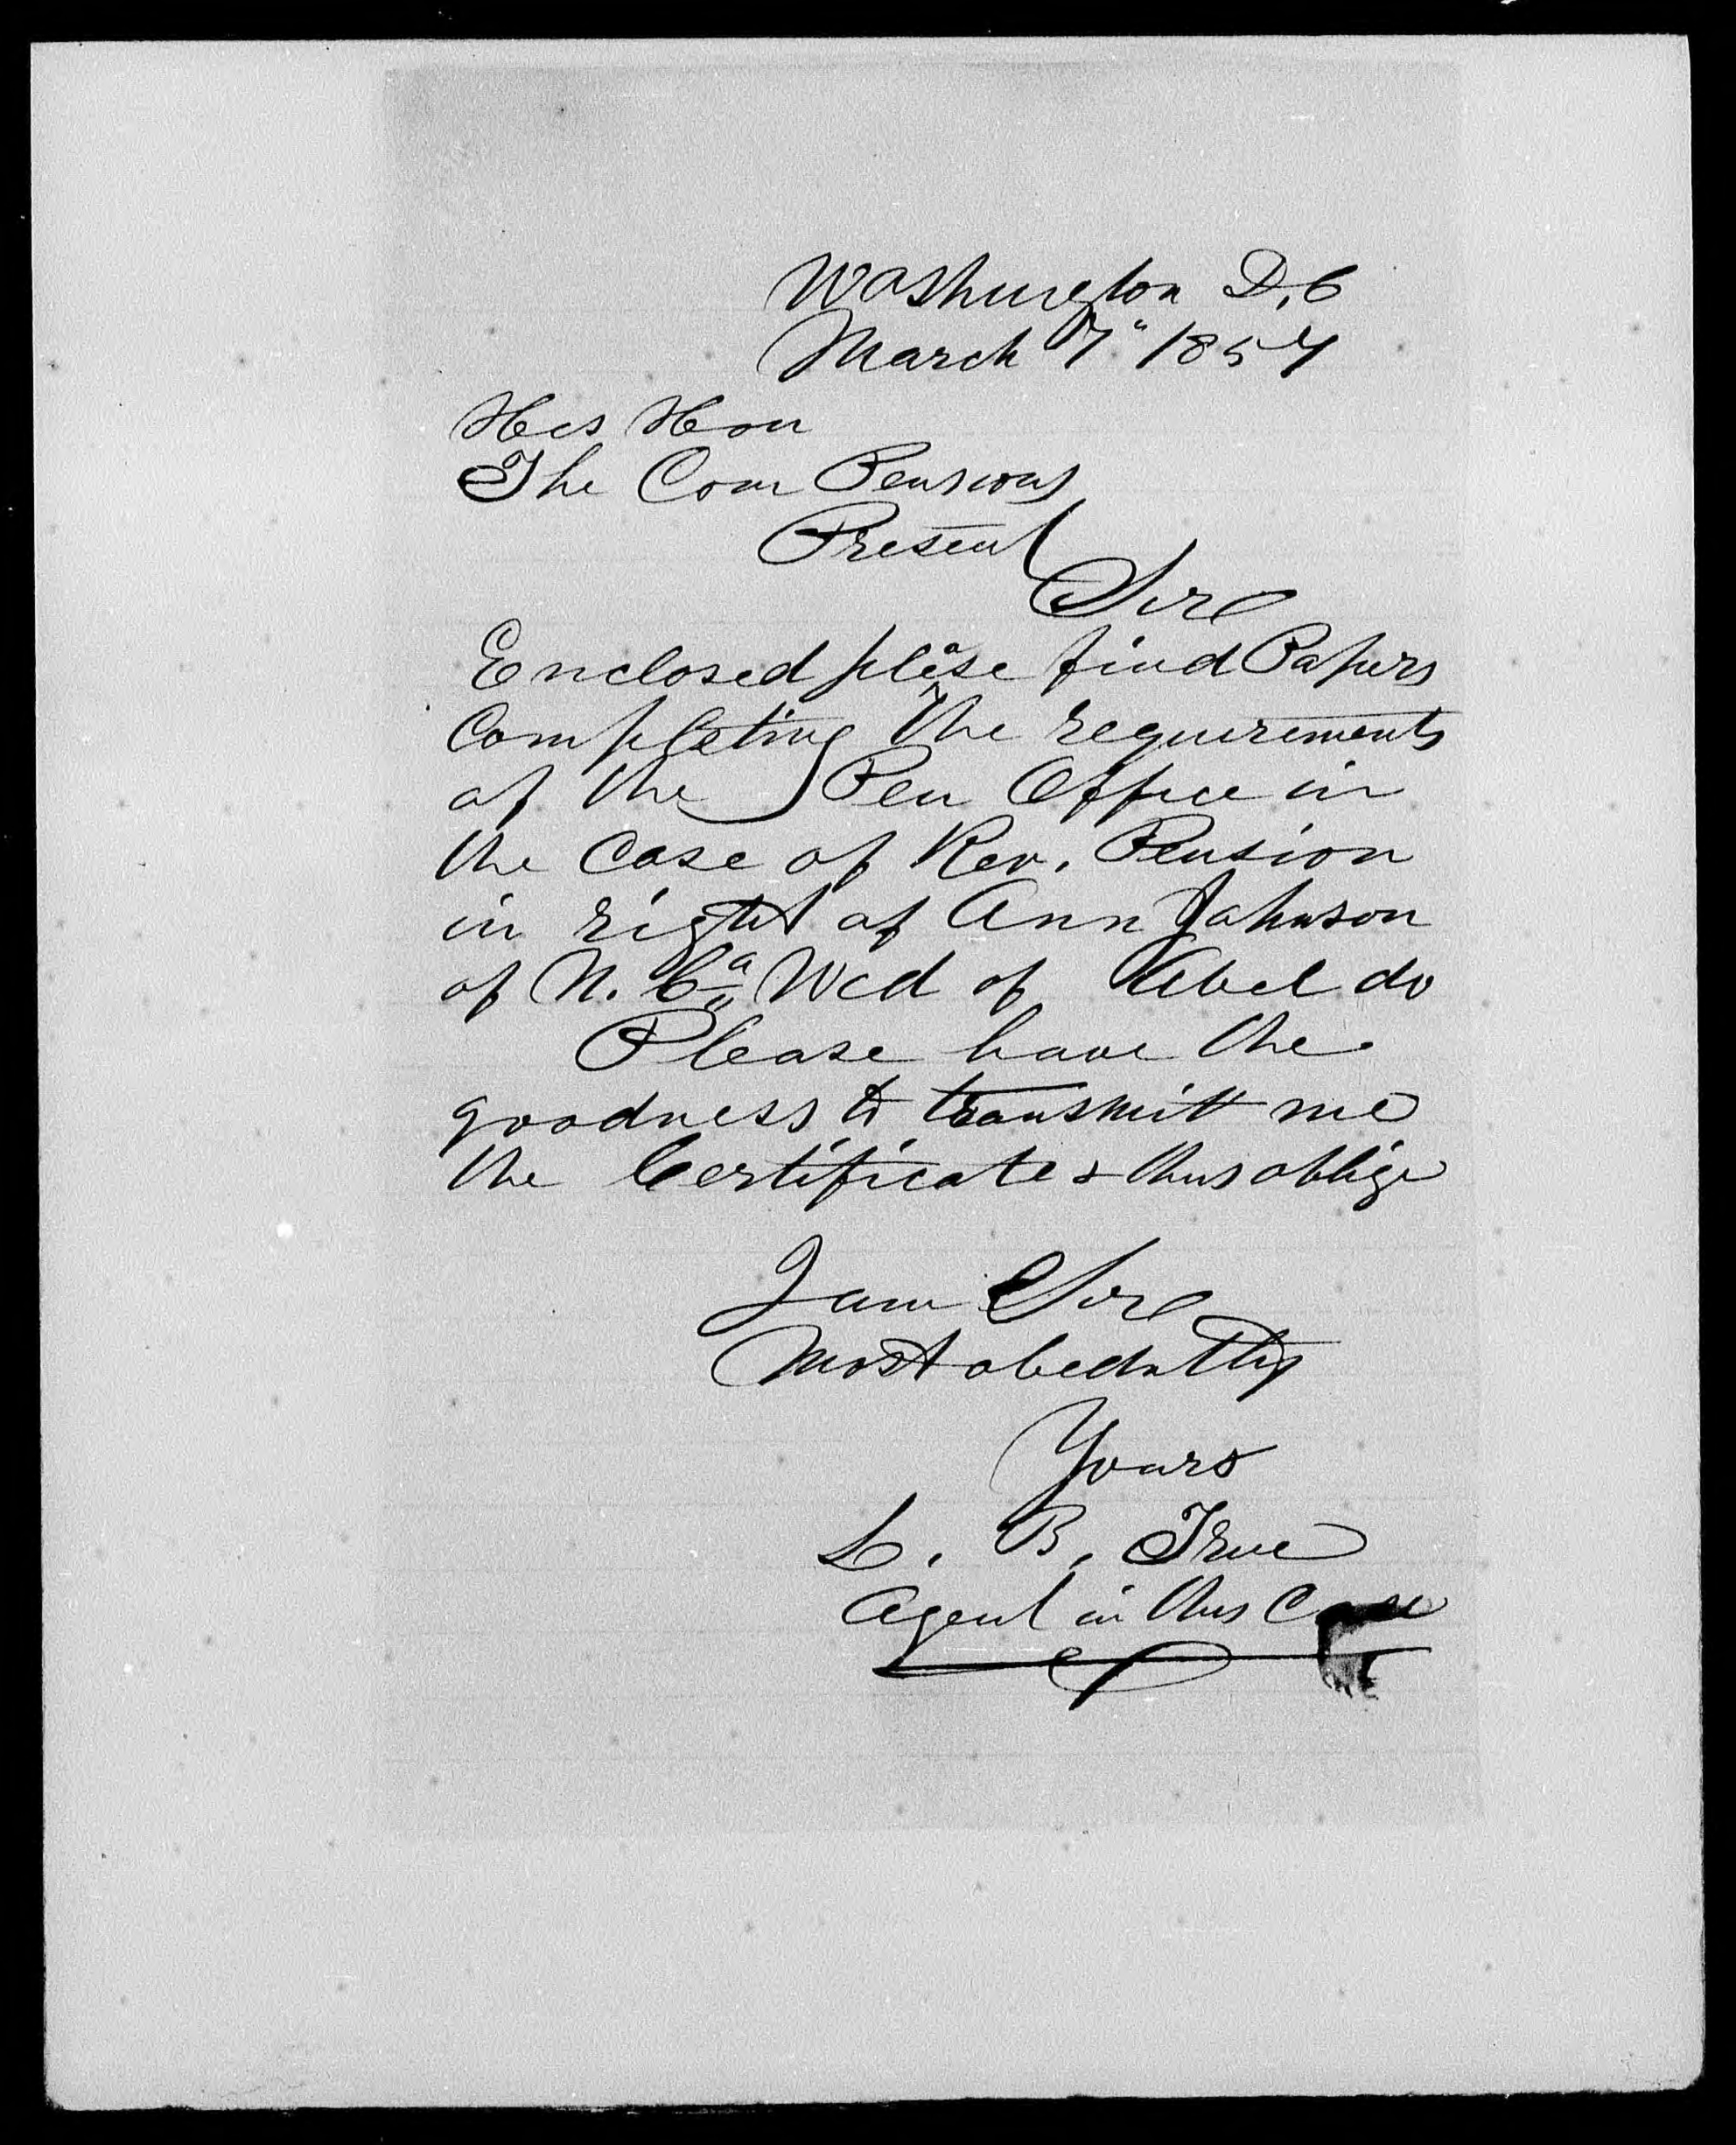Washington D.C. 
March 7, 1854
His Honor 
The Commissioner of Pensions
Present
Sir, 
Enclosed please find papers completing the requirements of the Pension Office in the case of Revolutionary Pension in right of Ann Johnson of N.C., widow of Abel dead. 
Please have the goodness to transmit me the certificate to this office. 
I am your most obedient servant.
Yours, 
S. B. Price 
Agent in this Case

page: 35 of 74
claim: rejected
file: R. 5600, for Abel Johnson, North Carolina